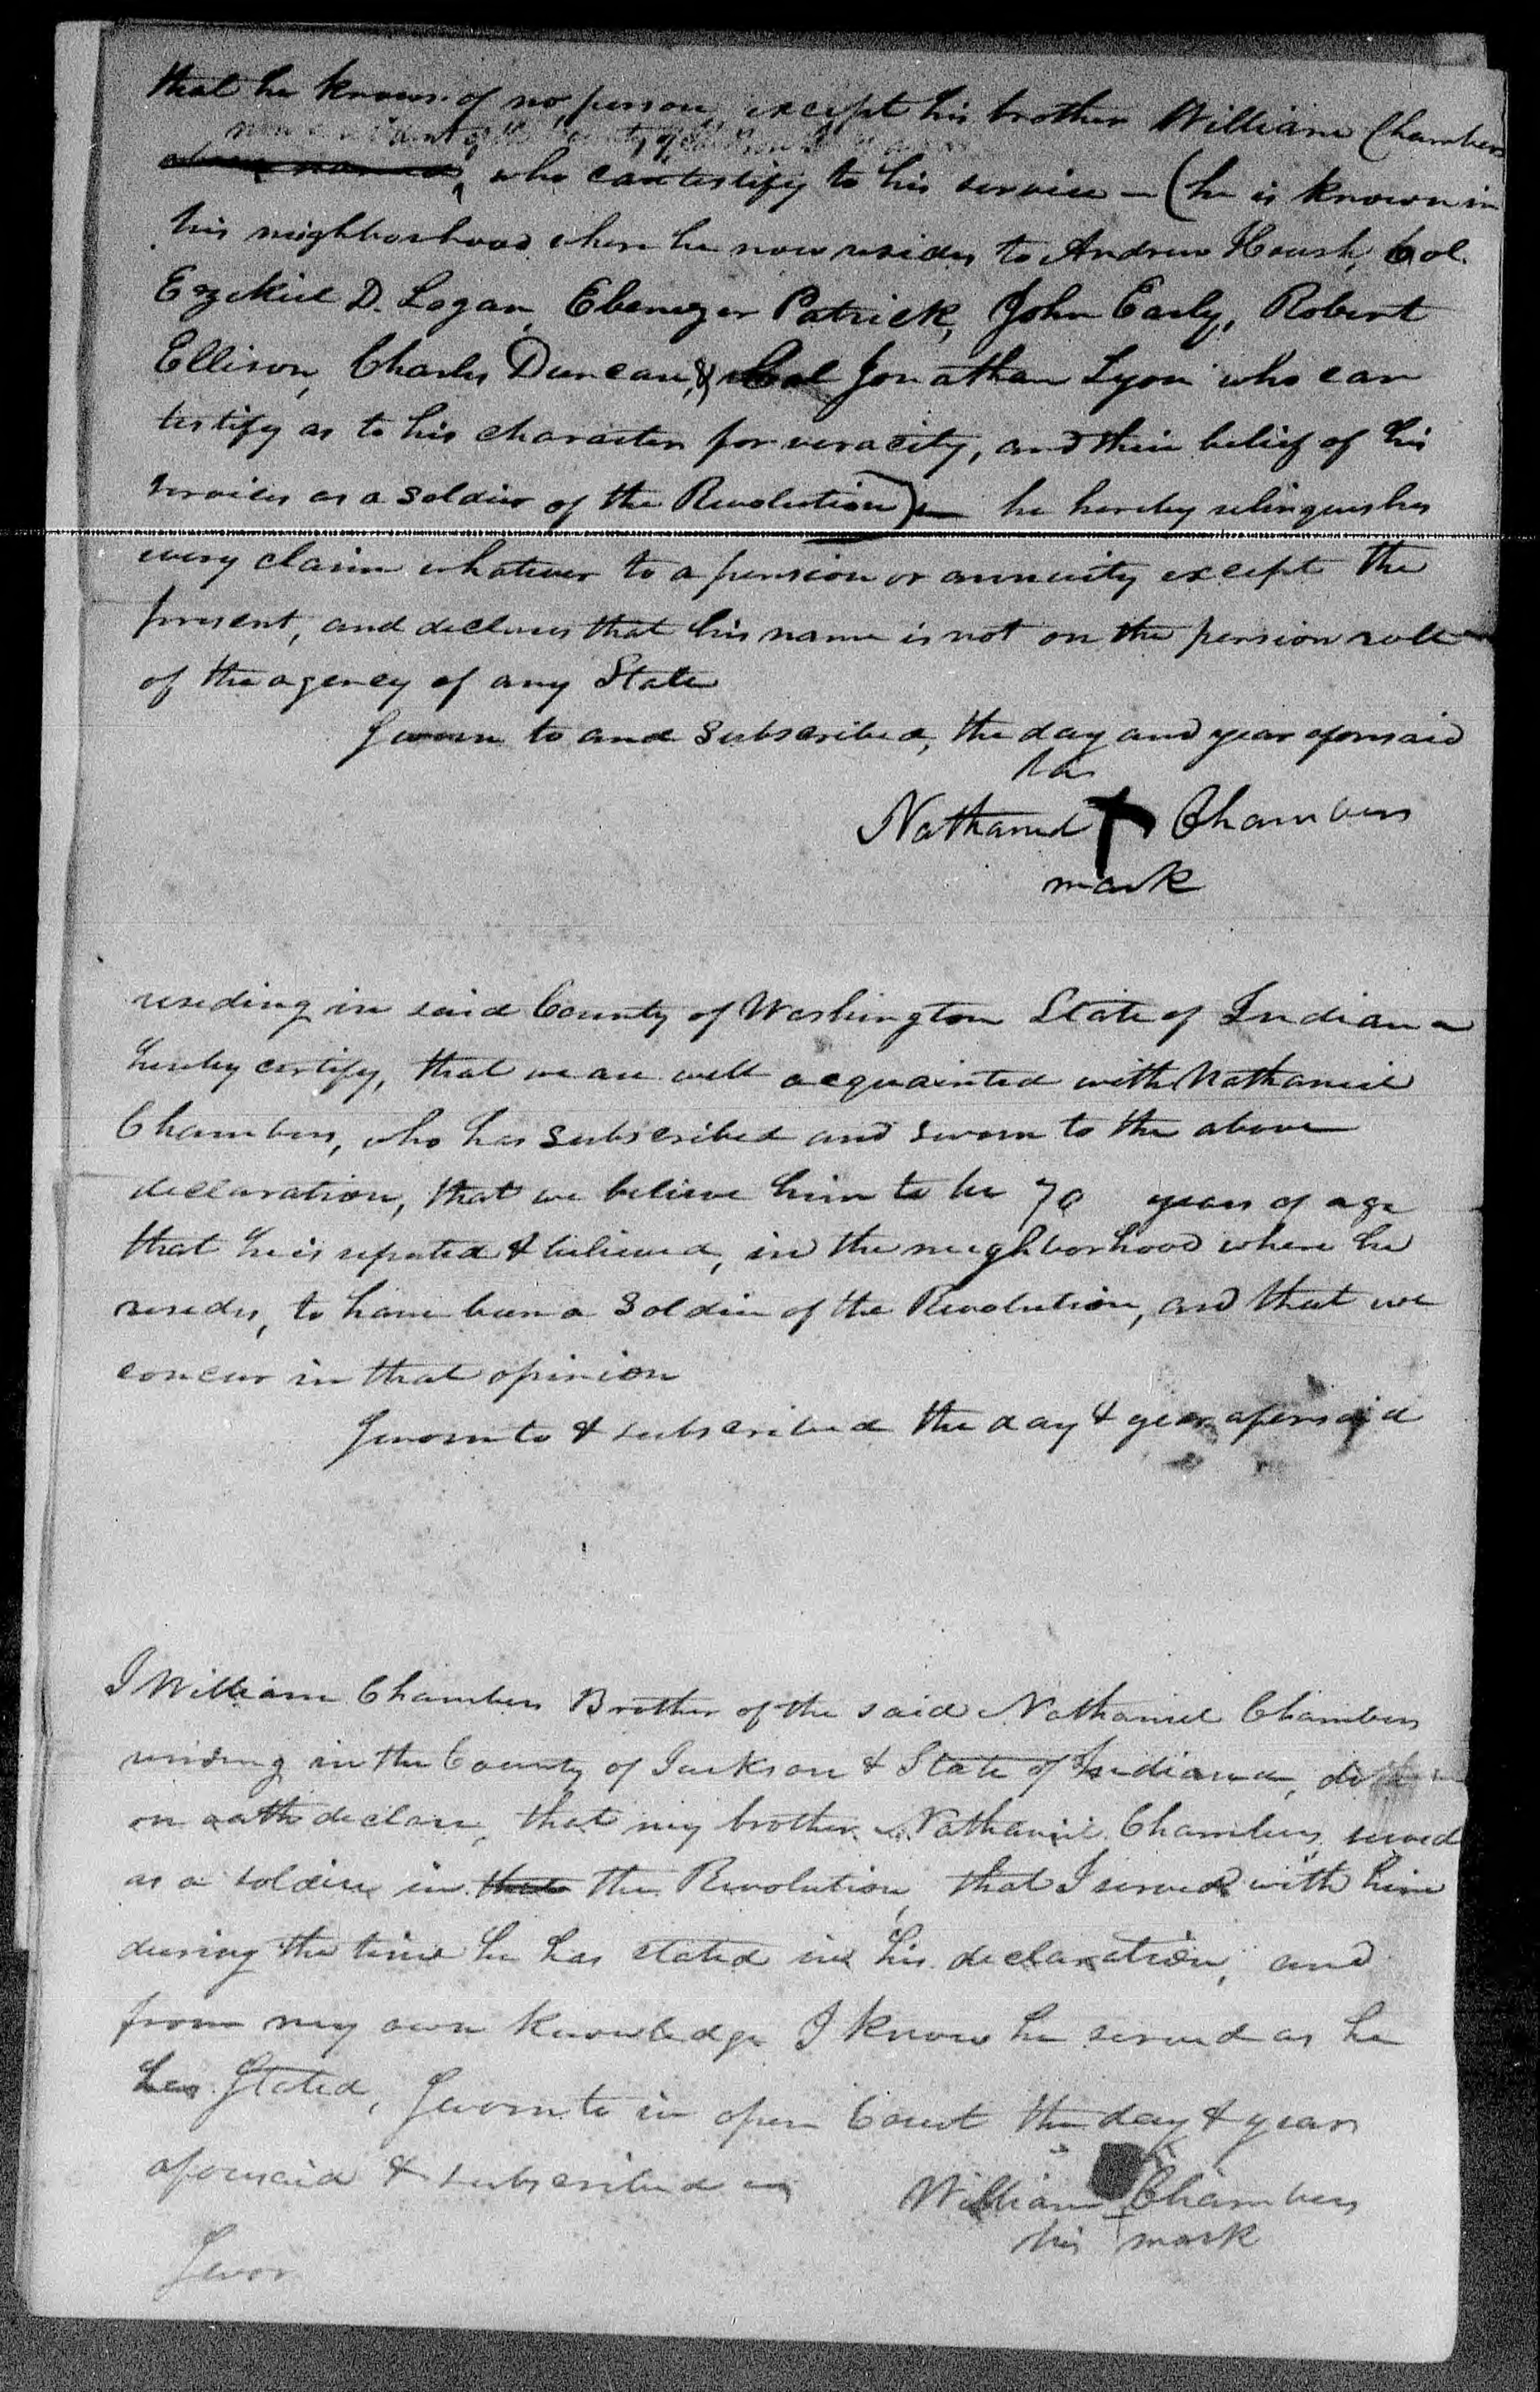that he knows of no person except his brother William Chamber
who can testify to his service- (he is known in
his neighborhood where he now resides to Andrew Housh, Col
Ezekiel D. Logan, Ebenezer Patrick, John Early, Robert Ellison, Charles Duncan & Col Jonathan Lyon who can testify as to his character for veracity, and their belief of his services as a soldier of the Revolution) he hereby relinquishes every claim whatever to a pension or annuity except the present, and declares that his name is not on the pension roll of the agency of any State.
Sworn to and subscribed the day and year aforesaid

Nathaniel Chambers (his mark)

residing in said County of Washington, State of Indiana
hereby certify, that we are well acquainted with Nathaniel
Chambers, who has subscribed and sworn to the above
declaration, that we believe him to be 70 years of age
that he is reputed & believed, in the neighborhood where he
resides to have been a soldier of the Revolution, and that we
concur in that opinion.

Sworn to & subscribed the day & year aforesaid

I, William Chambers Brother of the said Nathaniel Chambers
residing in the County of Jackson & State of Indiana,
on oath declare that my brother Nathaniel Chambers served
as a soldier in the Revolution that I served with him
during the time he has stated in his declaration, and
from my own knowledge I know he served as he
stated, Sworn to in open Court the day & year
aforesaid & subscribed-
William Chambers (X his mark)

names: Andrew Housh, John Early, Charles Duncan, Ebenezer Patrick, Nathaniel Chambers, Nathaniel Chambers, Nathaniel Chambers, William Chambers, William Chambers, Jonathan Lyon, William Chambers, Robert Ellison, Ezekiel D Logan, Nathaniel Chambers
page: 5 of 13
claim: survivor's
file: S. 32,171, Nathaniel Chambers, N.C.